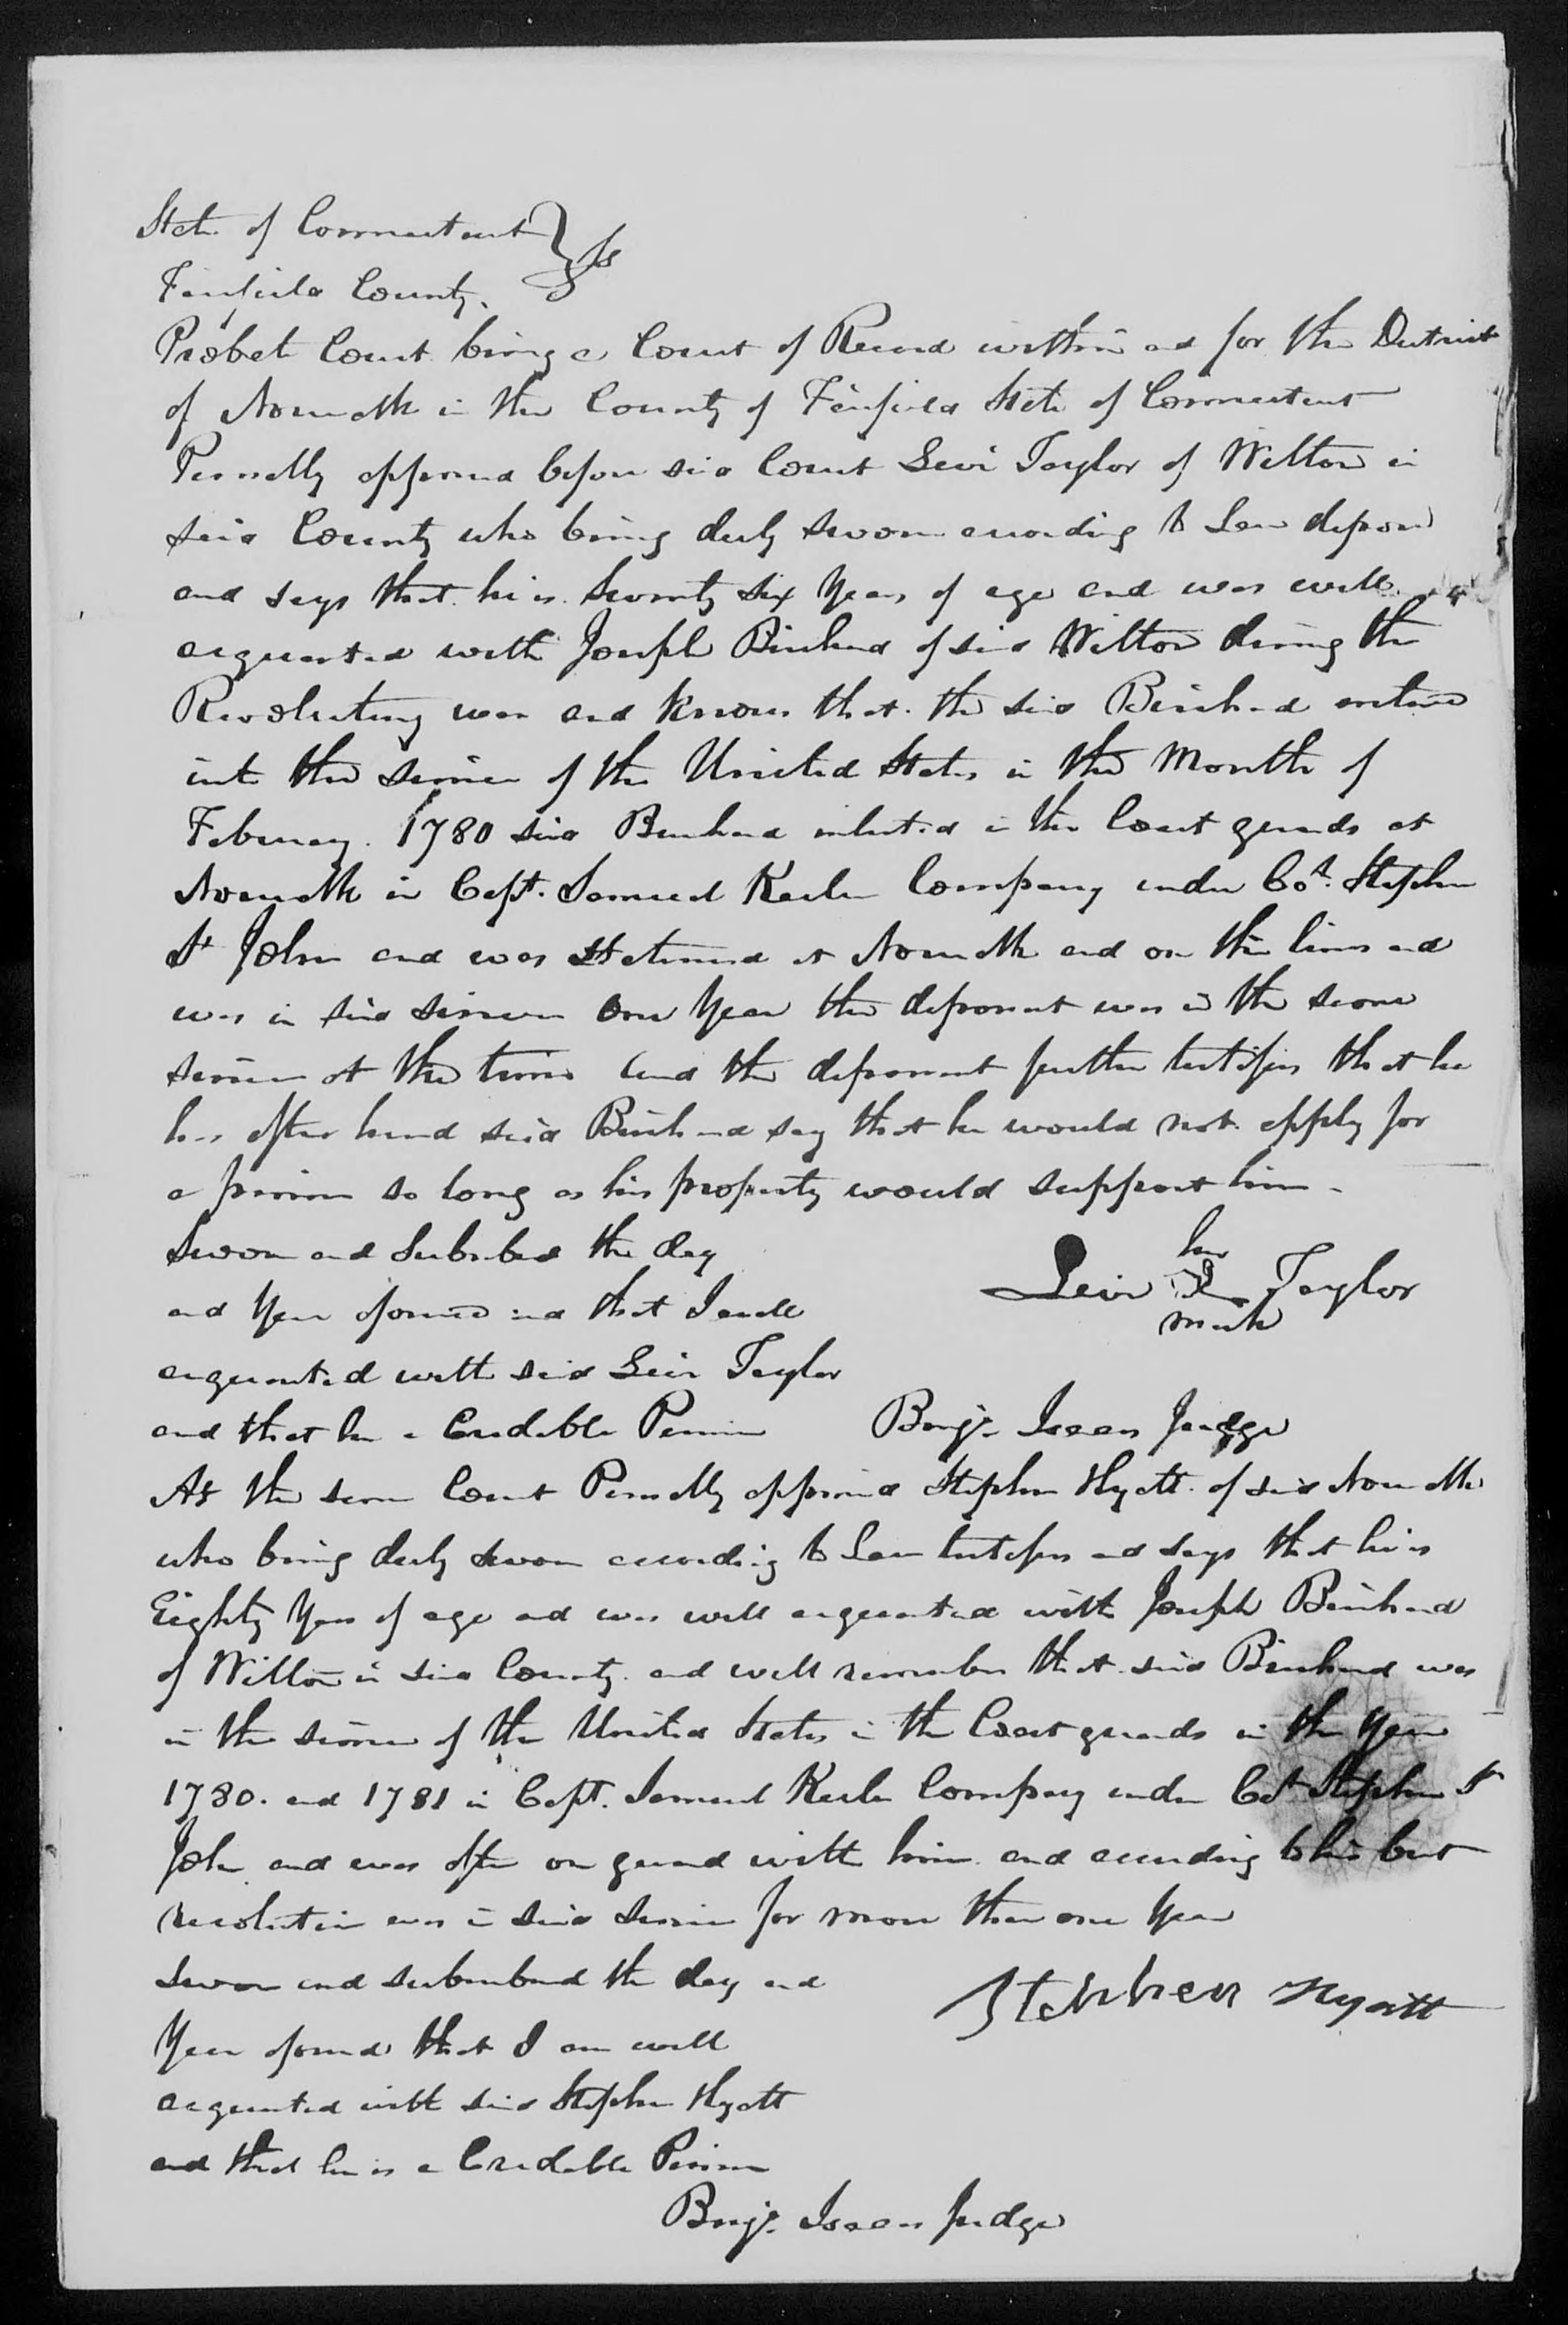State of Connecticut}
Fairfield County} S.S

Probate Court being a Court of Record within and for the District of Norwalk is the County of Fairfield, State of Connecticut, Personally appeared before said Court Levi Taylor of Wilton  in said County who being duly sworn according to Law deposed and says that he is Seventy Six years of age and was well acquainted with Jospeh Birchard of said Wilton during the Revolutionary war and knows that the said Birchard entered into the service of of the United States in the Month of February 1780 said Birchard enlisted in the Coast guard at Norwalk in Capt. Samuel Keels Company under Col. Stephen St John and was stationed at Norwalk and on the line and was in the service one year the deponent was in the same service at the time and the deponent further testifies that he has [illegible] [illegible] said Birchard say that he would not apply for a pension so long as his property would support him. 
Levi Taylor
Sworn and Subscribe the day and year aforesaid and that I am well acquainted with said Levi Taylor and that hes a Credible person. Ben. Isaac Judge

At the same Court personally appeared Stephen Hyatt of said Norwalk who being duly sworn according to law [illegible] and days that he is Eighty years of age and was well acquainted with Jospeh Birchard of Wilton in said County and will remember that said Birchard was in the same Militia states the Coast Guards in the year 1780 and 1781 in Capt. Samuel Keels company and Co. Stephen St. John and was often on guard with him and according to his best recollection was in said service for more than one years. Stephen Hyatt

Sworn and Subrscribed the day and year aforesaid that I am well acquainted with  said Stephen Wyatt  and that he is a credible person.
Benj. Isaac Judge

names: Stephen St John, Stephen St John, Birchard, Benj Isaacs, Birchard, Benj Isaacs, Levi Taylor, Birchard, Stephen Hyatt, Stephen Hyatt, Joseph Birchard, Joseph Birchard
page: 5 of 18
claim: rejected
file: R. 844, Joseph Birchard, Conn.